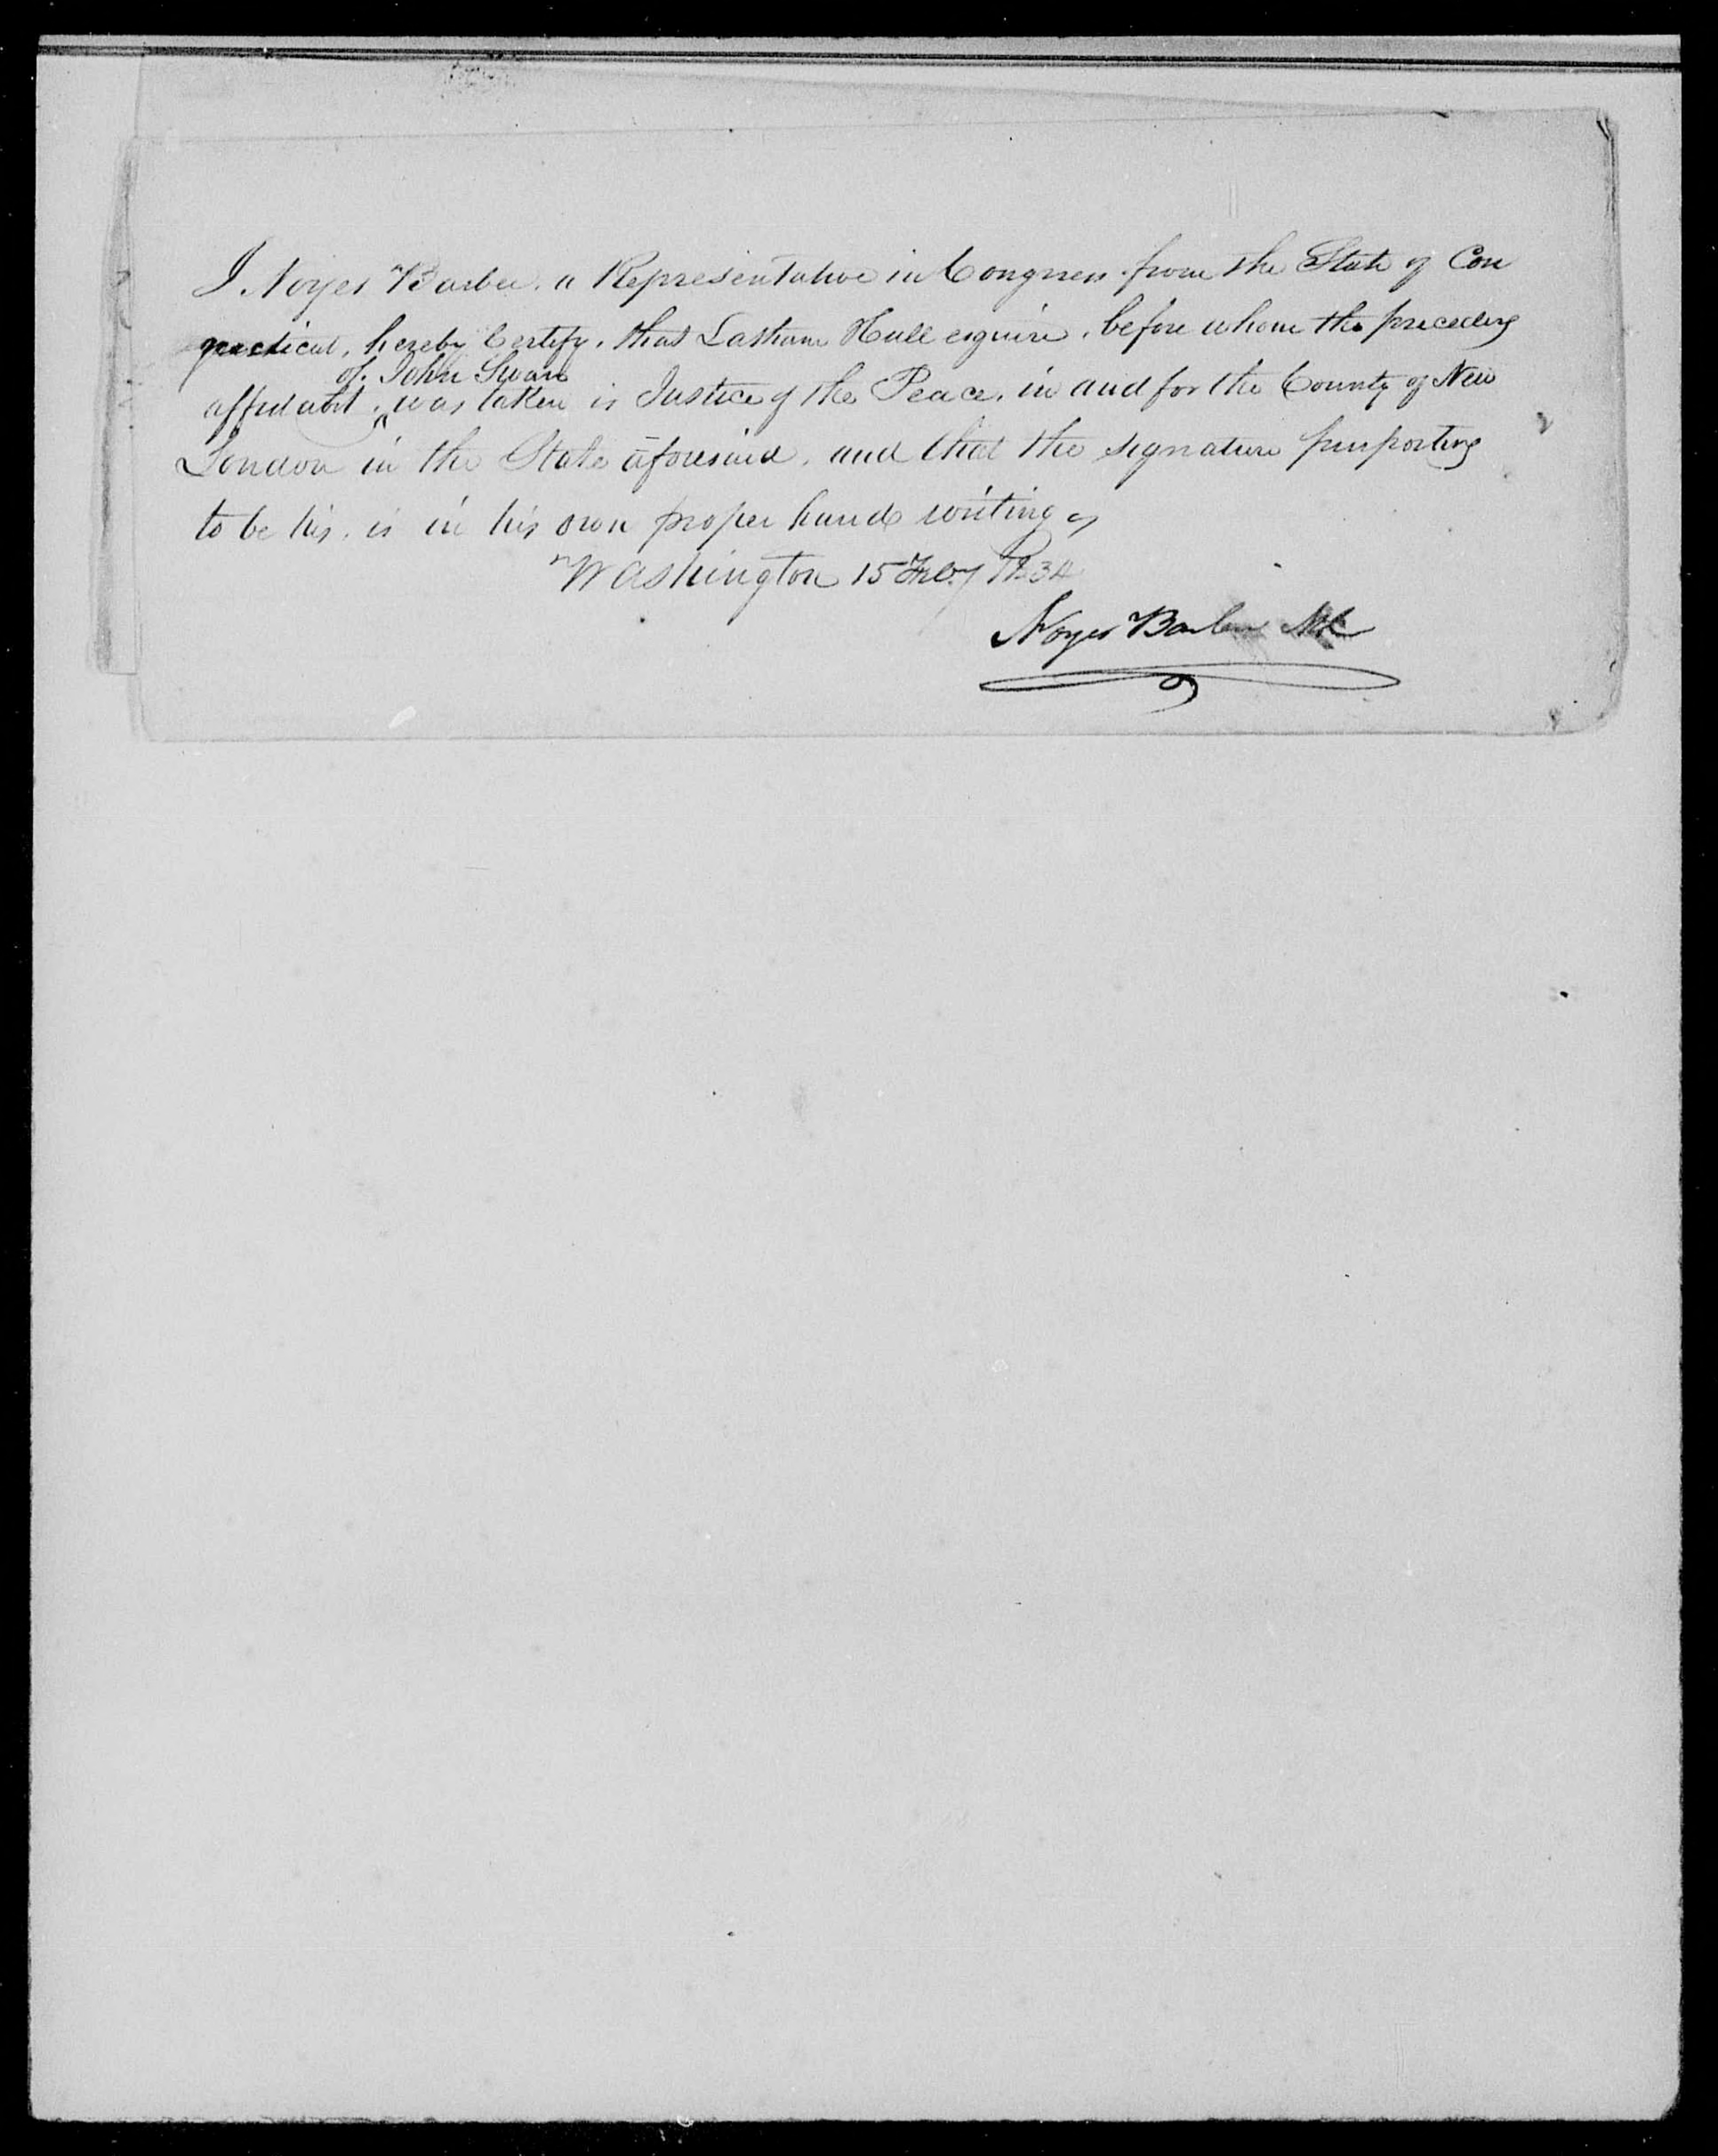I, Noyes Barber, a Representative in Congress from the State of Connecticut hereby certify that Latham Hull Esquire, before whon the preceeding affidavit of John Swan was taken is Justice of the Peace in and for the county of New London in the state aforesaid, and that the signatures purporting to be his is in his own proper handwriting.
Washington 15th Feby. 1834
Noyes Barber [illegible]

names: Noyes Barber, Noyes Barber, John Swan, Latham Hull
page: 22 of 26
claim: survivor's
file: S. 16843, Edward Hancox, Conn.